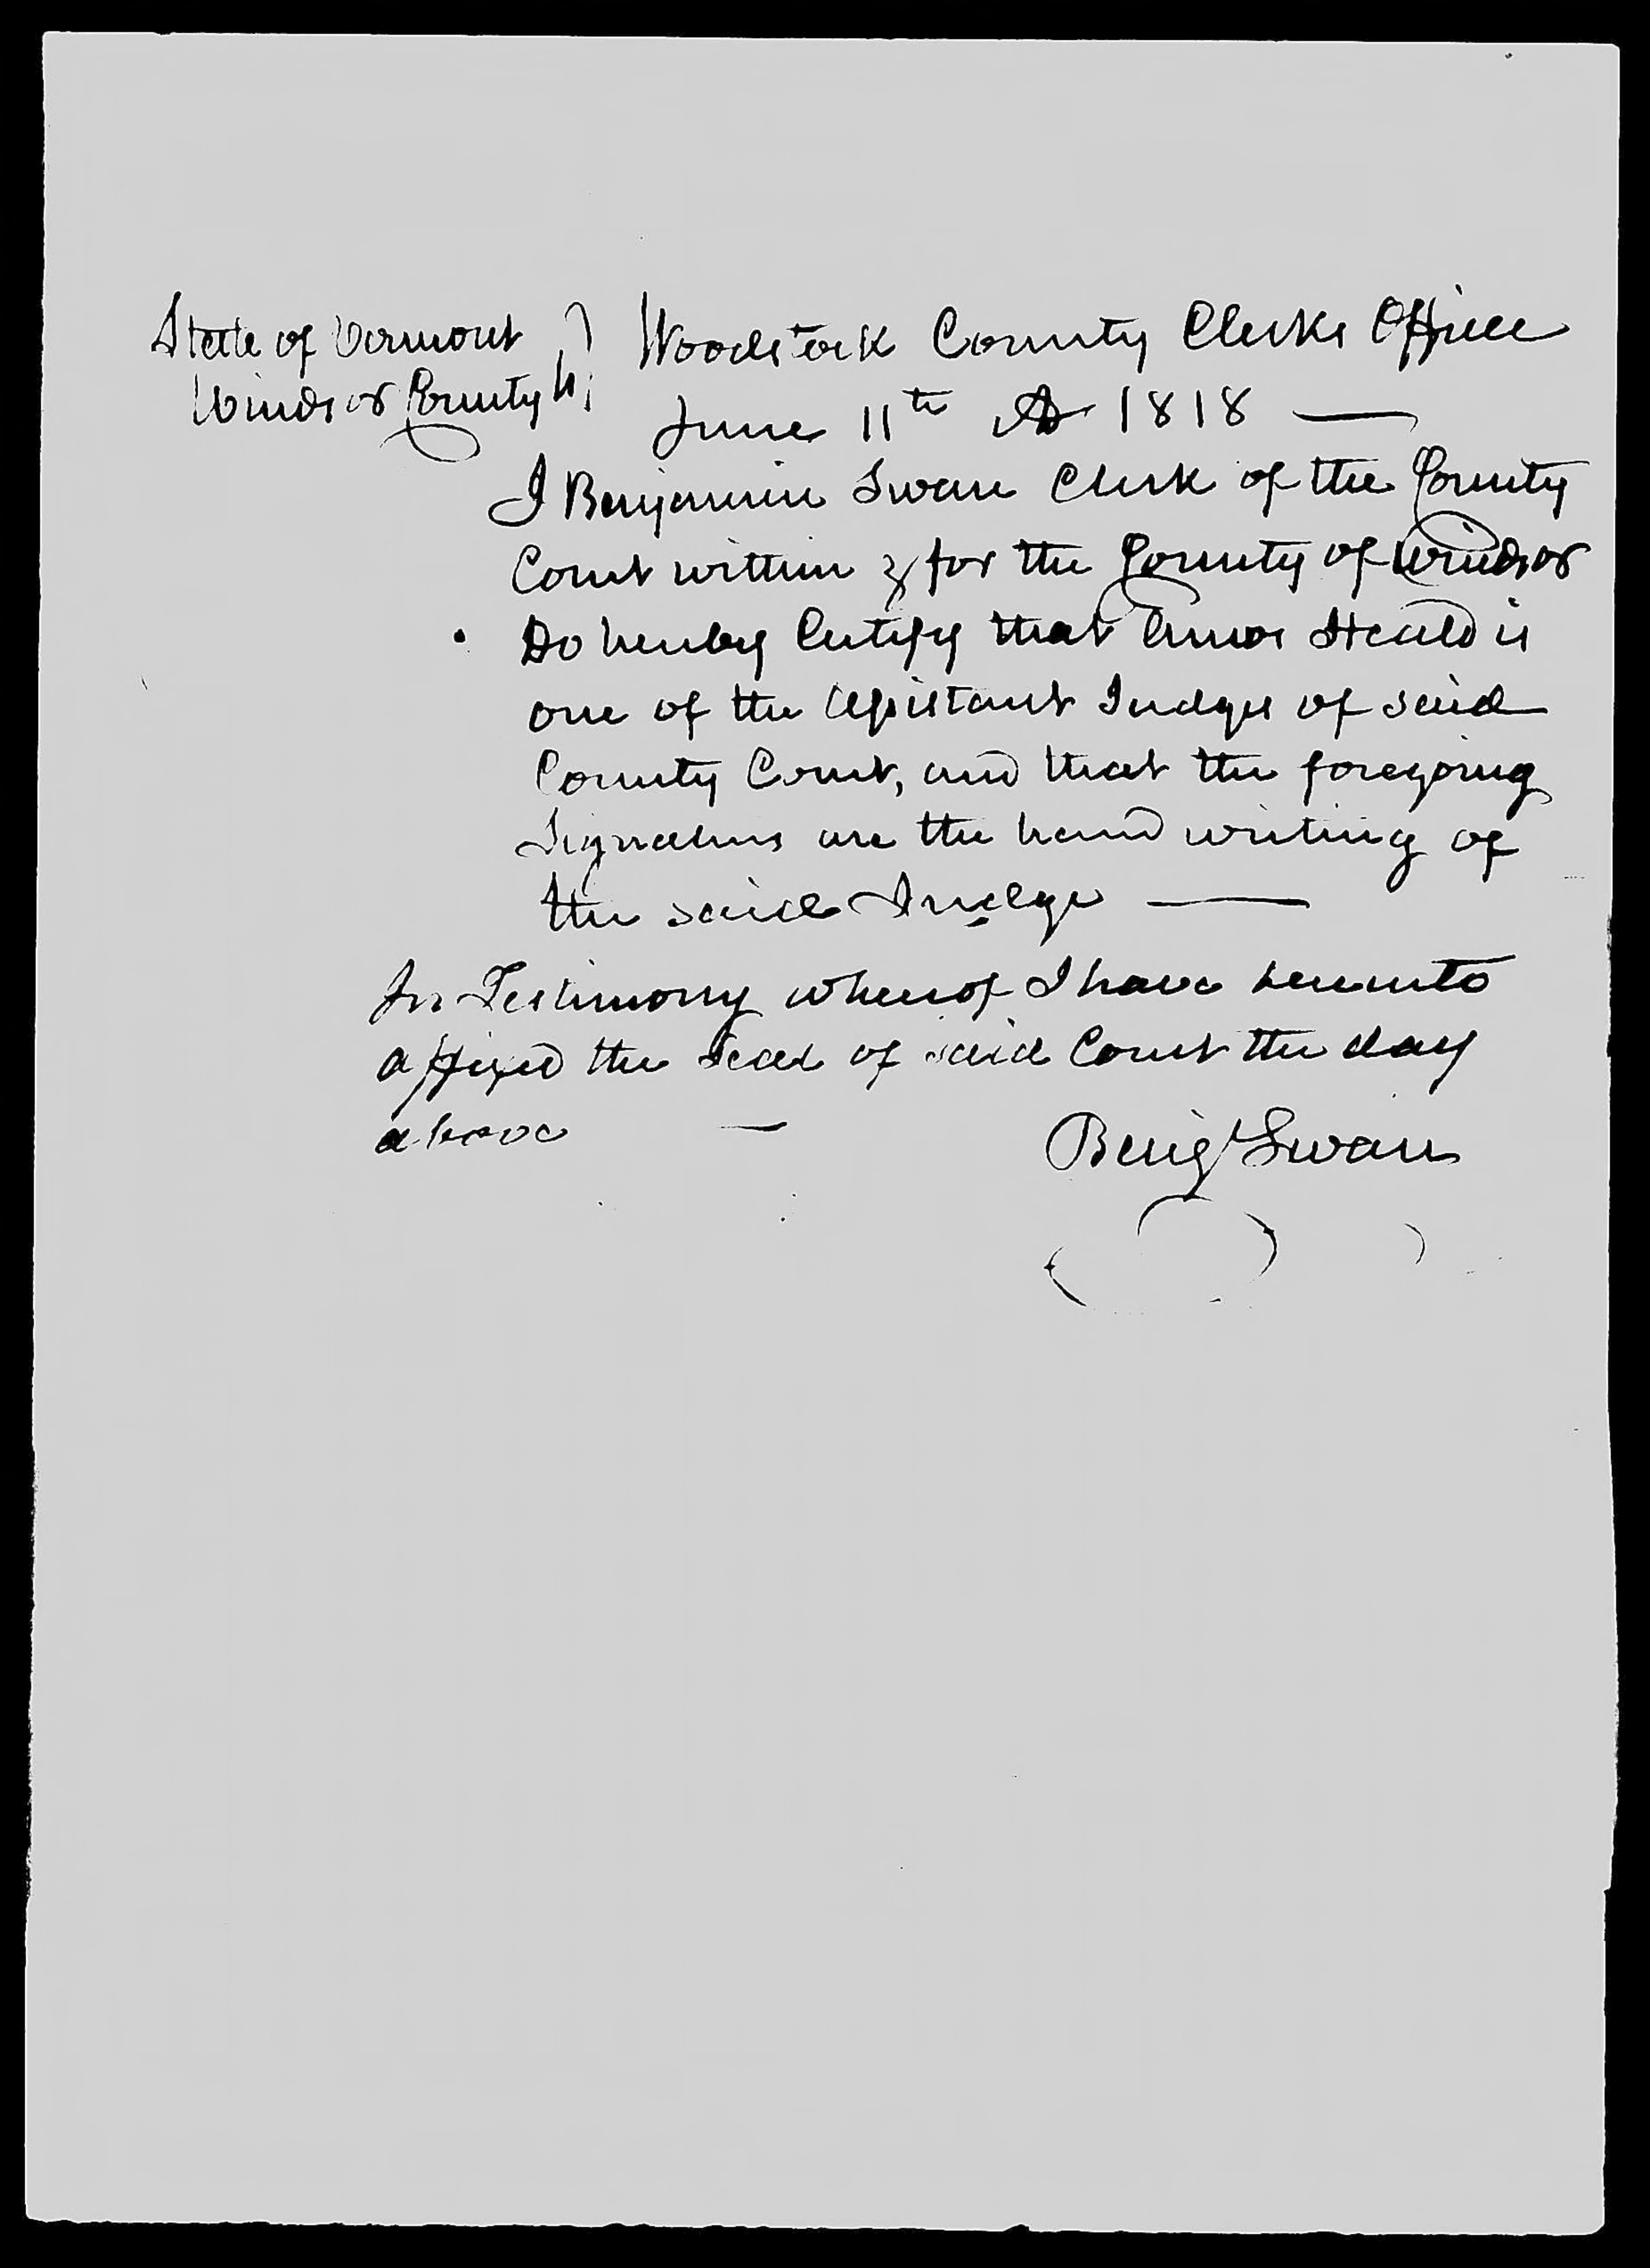State of Vermont
Windsor County }  Woodstock County Clerks Office
June 11th 1818
I Benjamin Swan clerk of the County
Court written for the County of Windsor
Do hereby certify that Amos Heald is
one of the assistant Judges of said
County Court, and that the foregoing
signatures are the hand writing of 
said Judge.
In Testimony whereof I have hereunto
affixed the seal of said County the
above.
[Signed]  Benj Swan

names: Benjn Swan, Benjamin Swan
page: 7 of 7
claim: survivor's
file: S 39,687, Richard Hill, Mass.